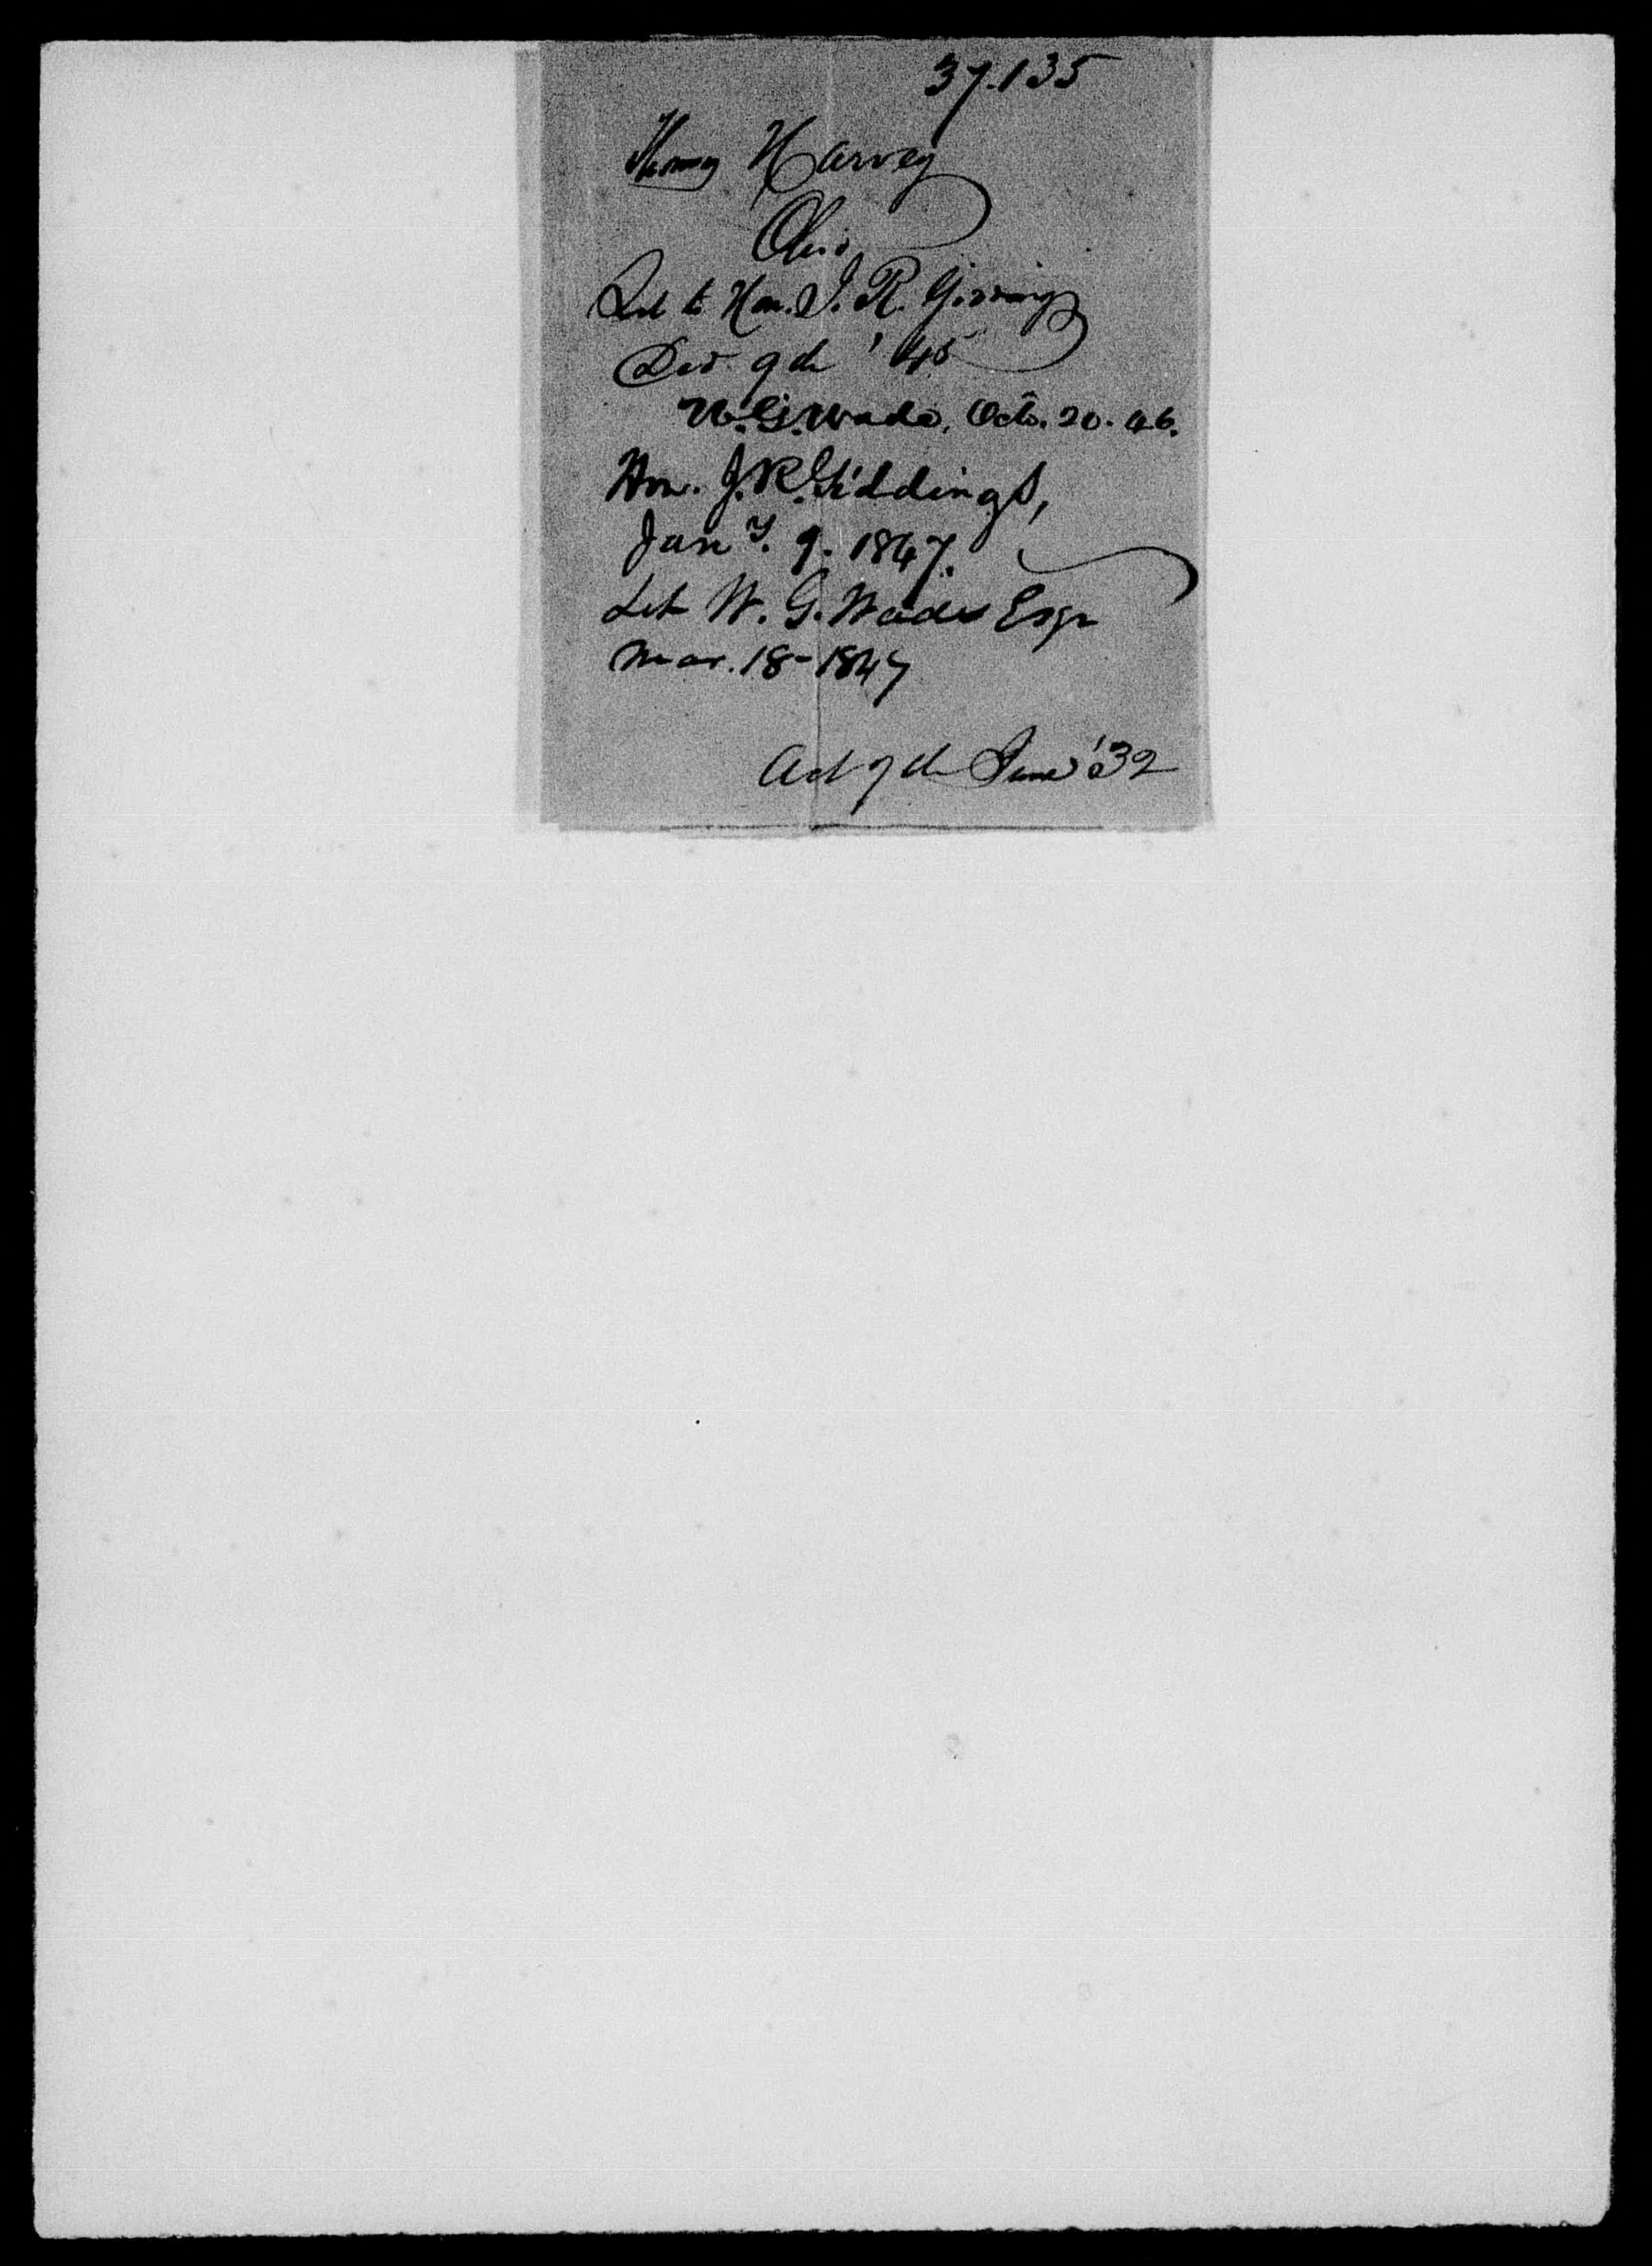37.135
Thomas Harvey
Ohio
Let to Hon. J. R. Giddings Dec'r 9th '45
W. G. Waldo, Octo. 20. 46
Hon. J. R. Giddings, Jan'y 9. 1847. 
Let W. G. Wade Esqr. Mar. 18 - 1847
Act 7th June '32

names: W G Wade, J R Giddings, Thomas Harvey, J R Giddings, W G Wade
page: 50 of 80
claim: survivor's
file: S. 18008, Thomas Harvey, N.H.